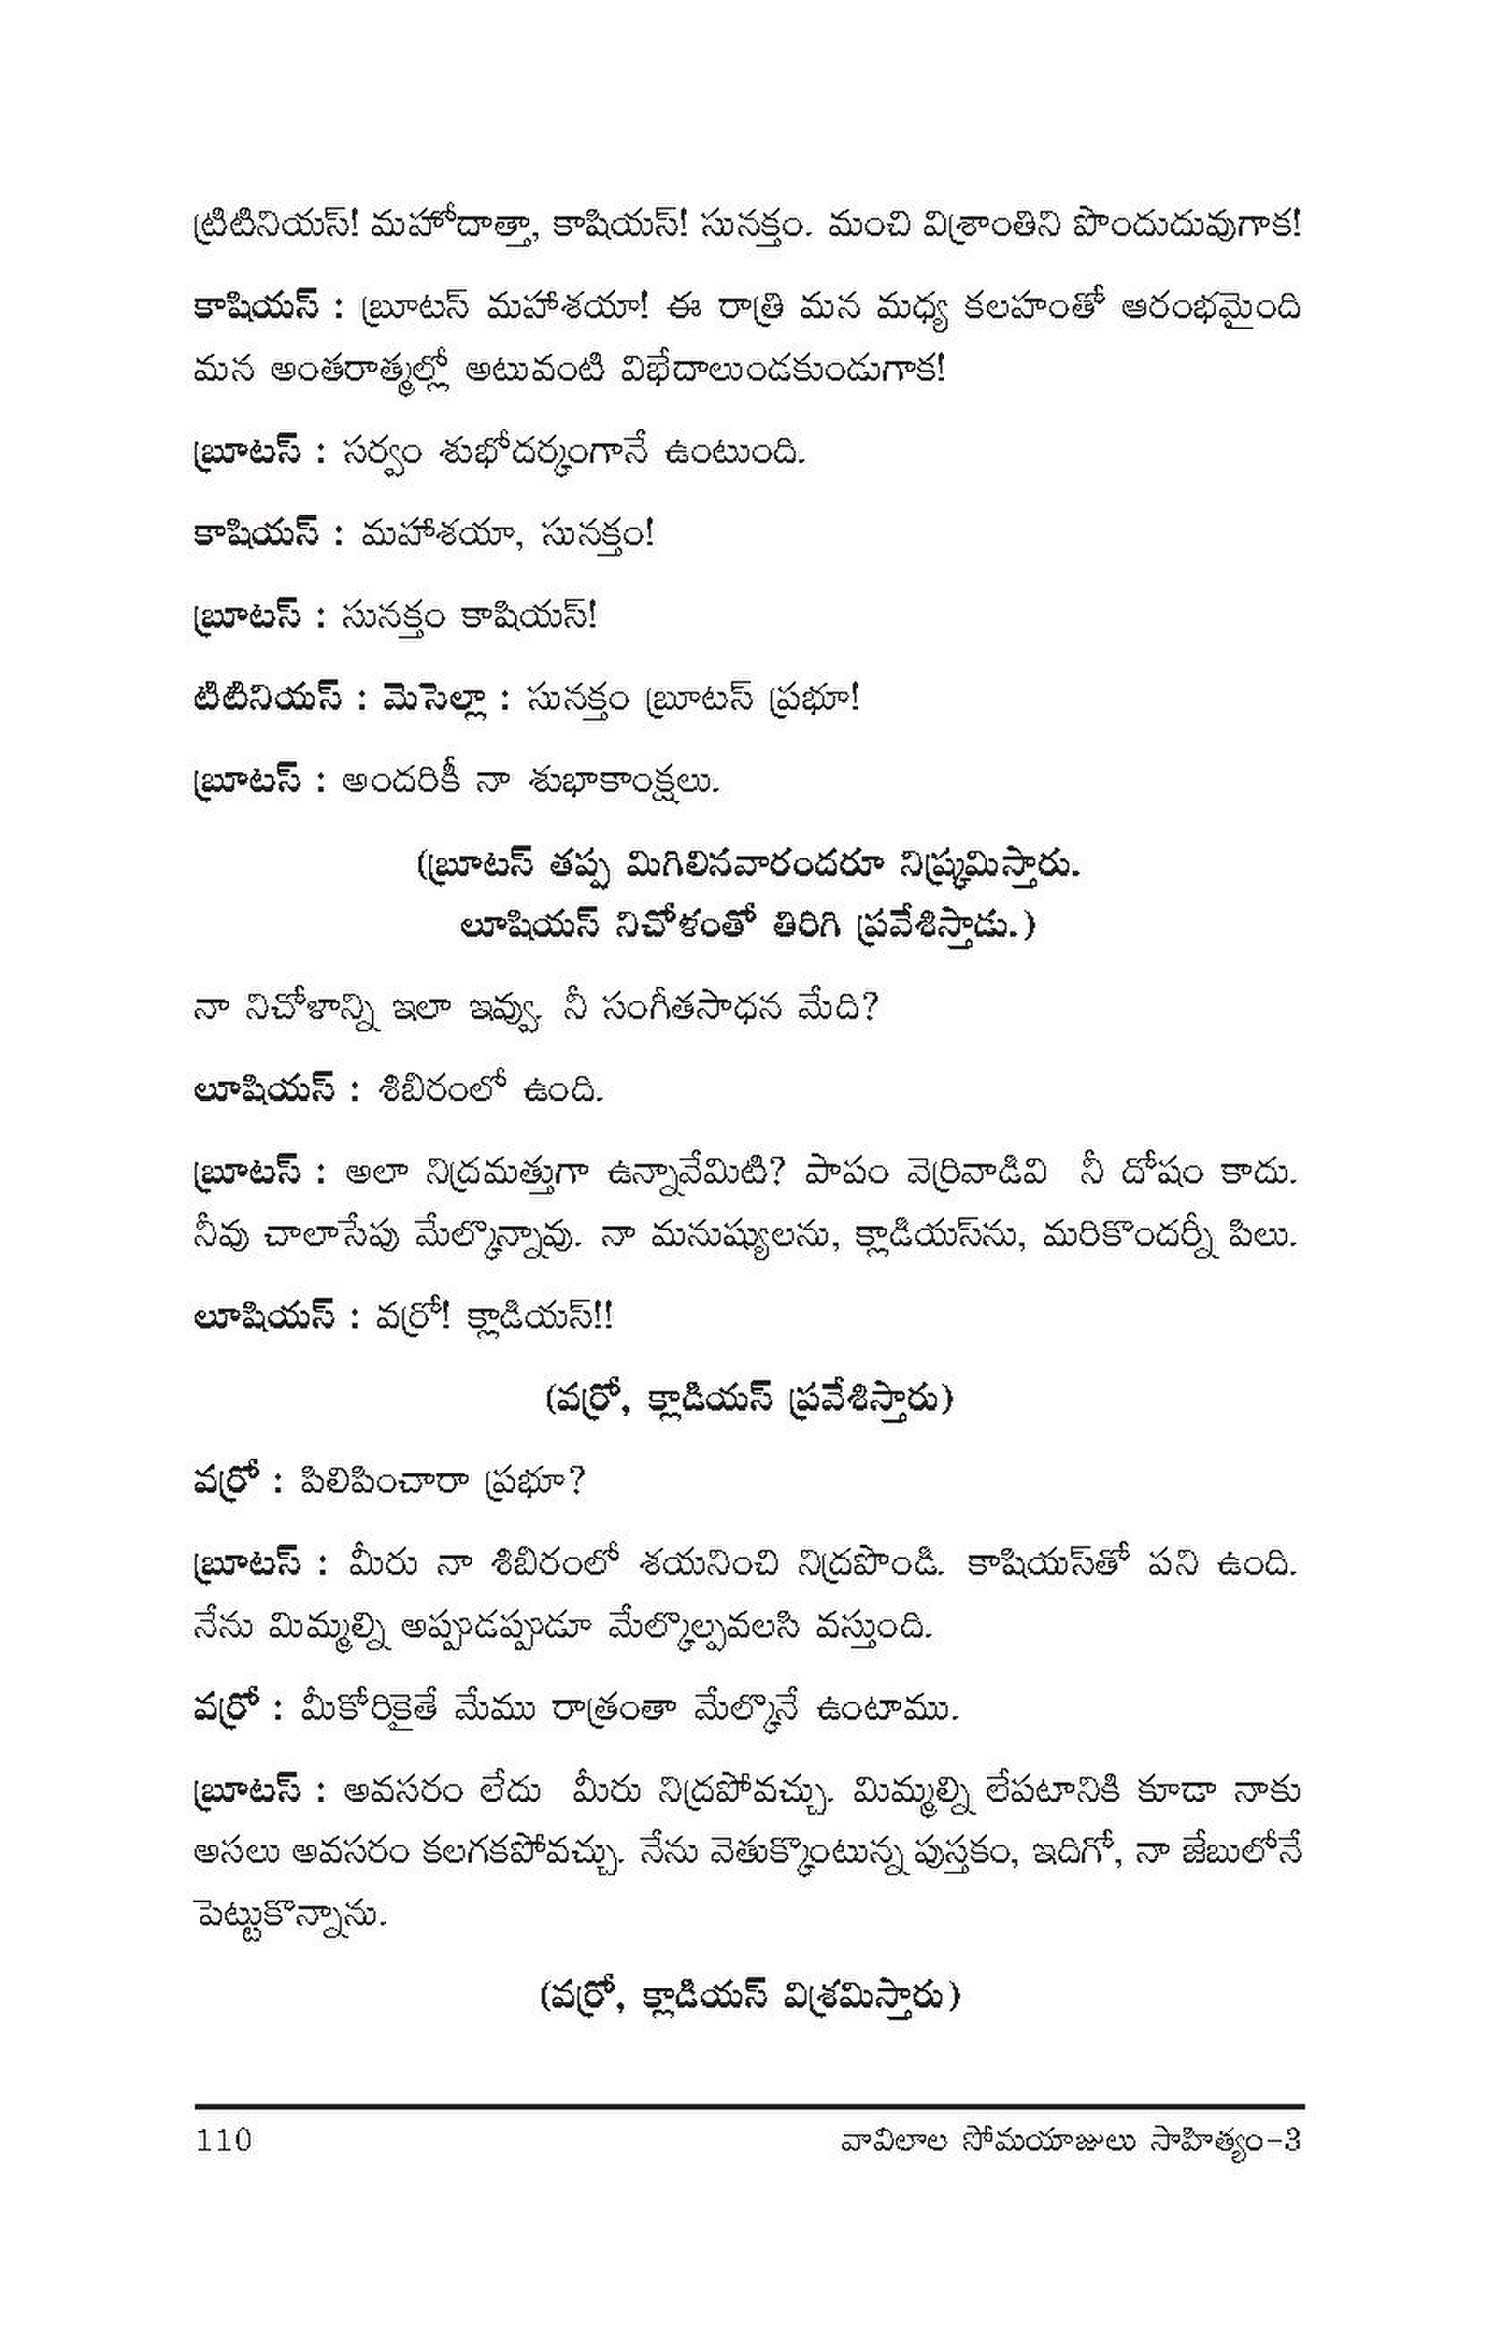ట్రిటినియస్! మహోదాత్తా, కాషియస్! సునక్తం. మంచి విశ్రాంతిని పొందుదువుగాక!

కాషియస్ : బ్రూటస్ మహాశయా! ఈ రాత్రి మన మధ్య కలహంతో ఆరంభమైంది మన అంతరాత్మల్లో అటువంటి విభేదాలుండకుండుగాక!

బ్రూటస్ : సర్వం శుభోదర్కంగానే ఉంటుంది.

కాషియస్ : మహాశయా, సునక్తం!

బ్రూటస్ : సునక్తం కాషియస్!

టిటినియస్: మెసెల్లా : సునక్తం బ్రూటస్ ప్రభూ!

బ్రూటస్ : అందరికీ నా శుభాకాంక్షలు.

నా నిచోళాన్ని ఇలా ఇవ్వు. నీ సంగీతసాధన మేది?

లూషియస్ : శిబిరంలో ఉంది.

బ్రూటస్ : అలా నిద్రమత్తుగా ఉన్నావేమిటి? పాపం వెర్రివాడివి నీ దోషం కాదు. నీవు చాలాసేపు మేల్కొన్నావు. నా మనుష్యులను, క్లాడియస్ ను, మరికొందర్నీ పిలు.

లూషియస్ : వర్రో! క్లాడియస్!!

వర్రో : పిలిపించారా ప్రభూ?

బ్రూటస్ : మీరు నా శిబిరంలో శయనించి నిద్రపొండి. కాషియస్ పని ఉంది. నేను మిమ్మల్ని అప్పుడప్పుడూ మేల్కొల్పవలసి వస్తుంది.

వర్రో : మీకోరికైతే మేము రాత్రంతా మేల్కొనే ఉంటాము.

బ్రూటస్ : అవసరం లేదు మీరు నిద్రపోవచ్చు. మిమ్మల్ని లేపటానికి కూడా నాకు అసలు అవసరం కలగకపోవచ్చు. నేను వెతుక్కొంటున్న పుస్తకం, ఇదిగో, నా జేబులోనే పెట్టుకొన్నాను.